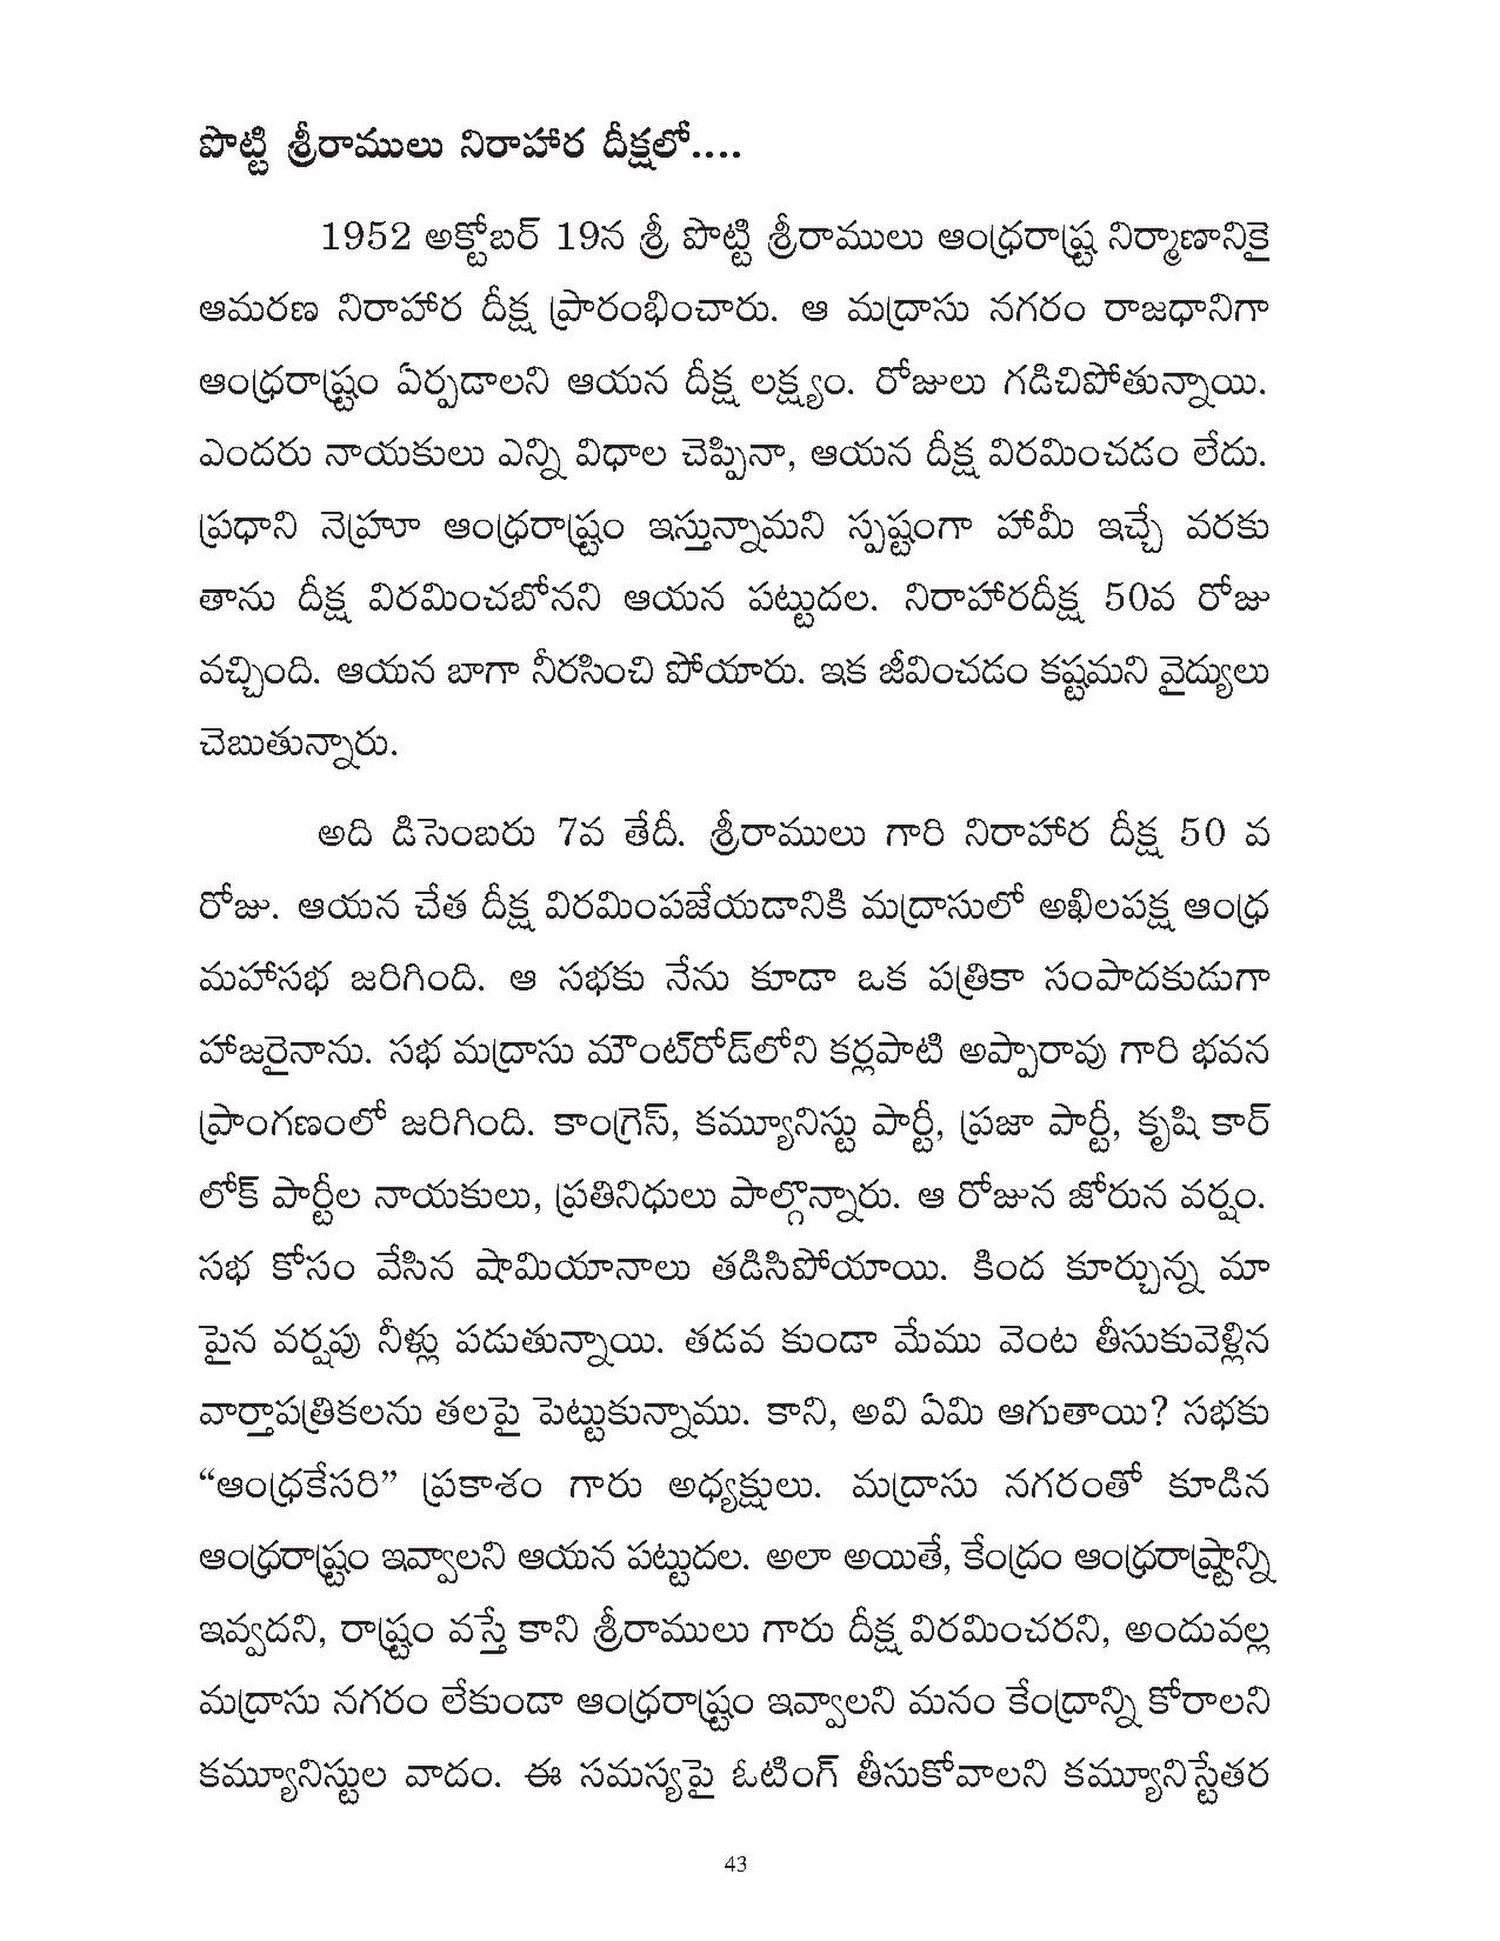పొట్టి శ్రీరాములు నిరాహార దీక్షలో....

1952 అక్టోబర్‌ 19న శ్రీ పొట్టి శ్రీరాములు ఆంధ్రరాష్ట్ర నిర్మాణానికై
ఆమరణ నిరాహార దీక్ష ప్రారంభించారు. ఆ మద్రాసు నగరం రాజధానిగా
ఆంధ్రరాష్ట్రం ఏర్పడాలని ఆయన దీక్ష లక్ష్యం. రోజులు గడచి పోతున్నాయి.
ఎందరు నాయకులు ఎన్ని విధాల చెప్పినా, ఆయన దీక్ష విరమించడం లేదు.
ప్రధాని నెహ్రూ ఆంధ్రరాష్ట్రం ఇస్తున్నామని స్పష్టంగా హామీ ఇచ్చే వరకు
తాను దీక్ష విరమించబోనని ఆయన పట్టుదల. నిరాహారదీక్ష 50వ రోజు
వచ్చింది. ఆయన బాగా నీరసించి పోయారు. ఇక జీవించడం కష్టమని వైద్యులు
చెబుతున్నారు.

అది డిసెంబరు 7వ తేదీ. శ్రీరాములు గారి నిరాహార దీక్ష 50 వ
రోజు. ఆయన చేత దీక్ష విరమింపజేయడానికి మద్రాసులో అఖిలపక్ష ఆంధ్ర
మహాసభ జరిగింది. ఆ సభకు నేను కూడా ఒక పత్రికా సంపాదకుడుగా
హాజరైనాను. సభ మద్రాసు మౌంట్‌రోడ్‌లోని కర్లపాటి అప్పారావు గారి భవన
ప్రాంగణంలో జరిగింది. కాంగ్రెస్‌, కమ్యూనిస్టు పార్టీ, ప్రజా పార్టీ, కృషి కార్‌
లోక్‌ పార్టీల నాయకులు, ప్రతినిధులు పాల్గొన్నారు. ఆ రోజున జోరున వర్షం.
సభ కోసం వేసిన షామియానాలు తడిసిపోయాయి. కింద కూర్చున్న మా
పైన వర్షపు నీళ్లు పడుతున్నాయి. తడవ కుండా మేము వెంట తీసుకువెళ్లిన
వార్తాపత్రికలను తలపై పెట్టుకున్నాము. కాని, అవి ఏమి ఆగుతాయి? సభకు
"ఆంధ్రకేసరి" ప్రకాశం గారు అధ్యక్షులు. మద్రాసు నగరంతో కూడిన
ఆంధ్రరాష్ట్రం ఇవ్వాలని ఆయన పట్టుదల. అలా అయితే, కేంద్రం ఆంధ్రరాష్ట్రాన్ని
ఇవ్వదని, రాష్ట్రం వస్తే కాని శ్రీరాములు గారు దీక్ష విరమించరని, అందువల్ల
మద్రాసు నగరం లేకుండా ఆంధ్రరాష్ట్రం ఇవ్వాలని మనం కేంద్రాన్ని కోరాలని
కమ్యూనిస్టుల వాదం. ఈ సమస్యపై ఓటింగ్‌ తీసుకోవాలని కమ్యూనిస్టేతర